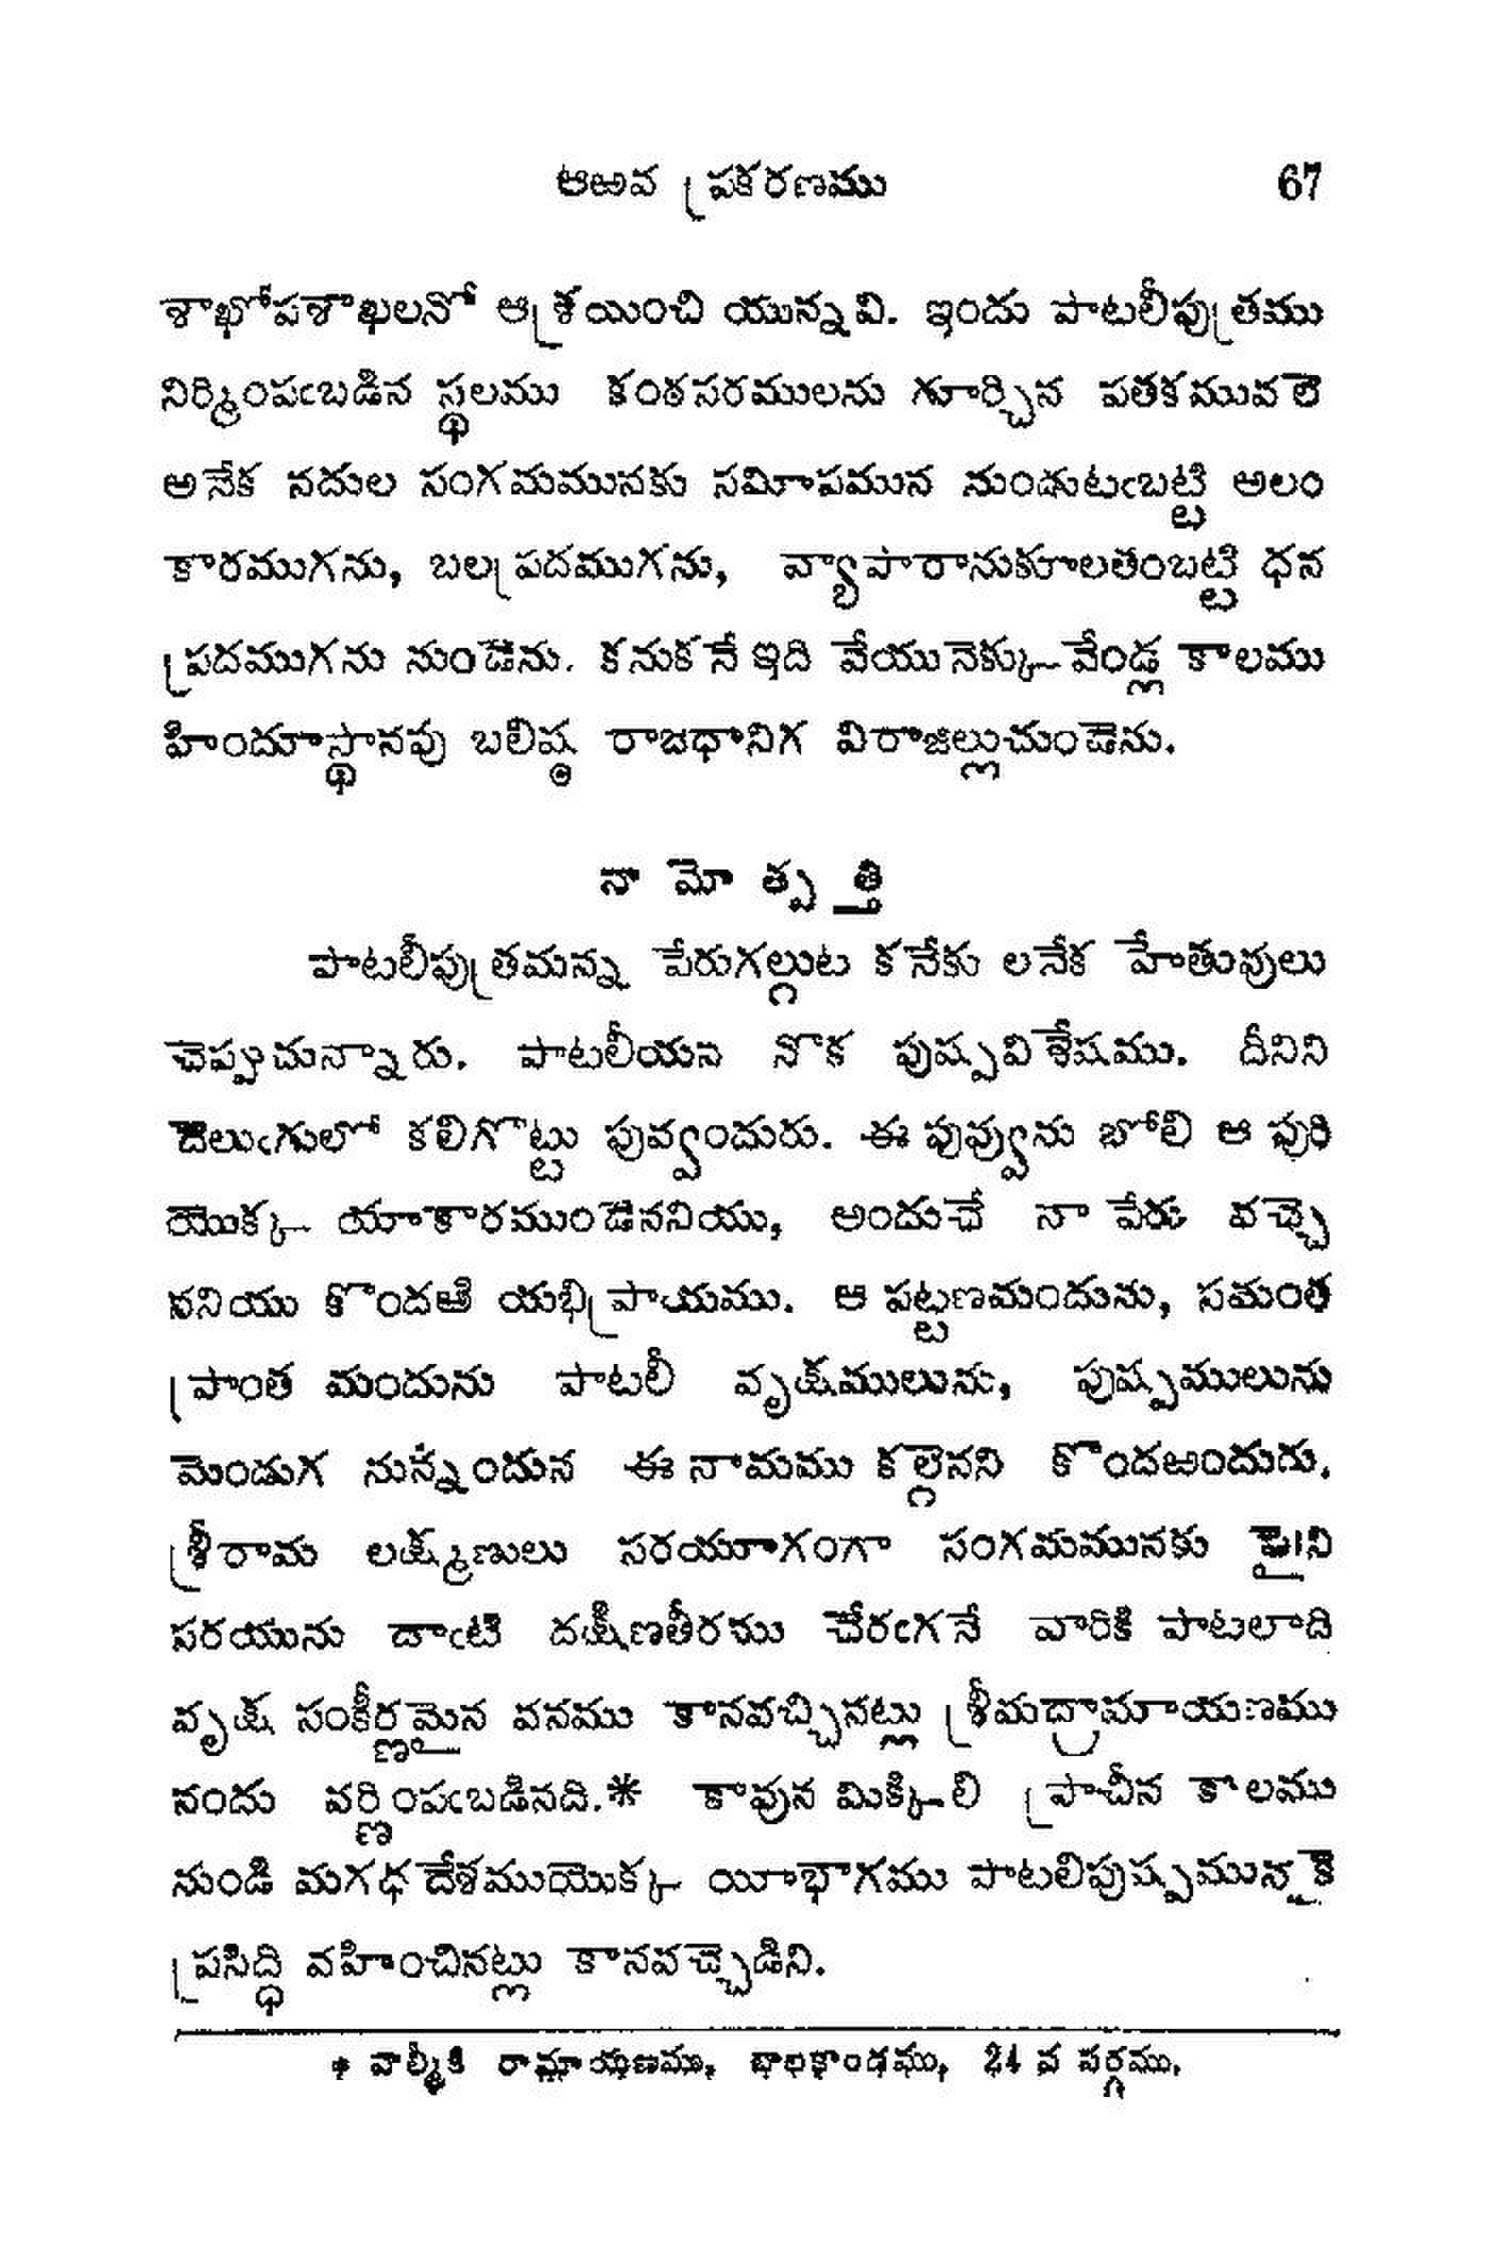శాఖోపశాఖలనో ఆశ్రయించి యున్నవి. ఇందు పాటలీపుత్రము నిర్మింపఁబడిన స్థలము కంఠసరములను గూర్చిన పతకమువలె అనేక నదుల సంగమమునకు సమీపమున నుండుటఁబట్టి అలంకారముగను, బలప్రదముగను, వ్యాపారానుకూలతంబట్టి ధనప్రదముగను నుండెను. కనుకనే ఇది వేయునెక్కు వేండ్ల కాలము హిందూస్థానవు బలిష్ఠ రాజధానిగా విరాజిల్లుచుండెను.

నామోత్పత్తి 

పాటలీపుత్రమన్న పేరుగల్లుట కనేకు లనేక హేతువులు చెప్పుచున్నారు. పాటలీయన నొక పుష్పవిశేషము. దీనిని దెలుఁగులో కలిగొట్టు పువ్వందురు. ఈ పువ్వును బోలి ఆ పురియొక్క యాకారముండెననియు, అందుచే నా పేరు వచ్చెననియు కొందఱి యభిప్రాయము. ఆ పట్టణమందును, సమంత ప్రాంత మందును పాటలీ వృక్షములును, పుష్పములును మెండుగ నున్నందున ఈ నామము కల్గెనని కొందఱందురు. శ్రీరామ లక్ష్మణులు సరయూగంగా సంగమమునకు పైని సరయును దాఁటి దక్షిణతీరము చేరఁగనే వారికి పాటలాది వృక్ష సంకీర్ణమైన వనము కానవచ్చినట్లు శ్రీమద్రామాయణము నందు వర్ణింపఁబడినది.* కావున మిక్కిలి ప్రాచీన కాలము నుండి మగధదేశముయొక్క యీభాగము పాటలిపుష్పమునకై ప్రసిద్ధి వహించినట్లు కానవచ్చెడిని.